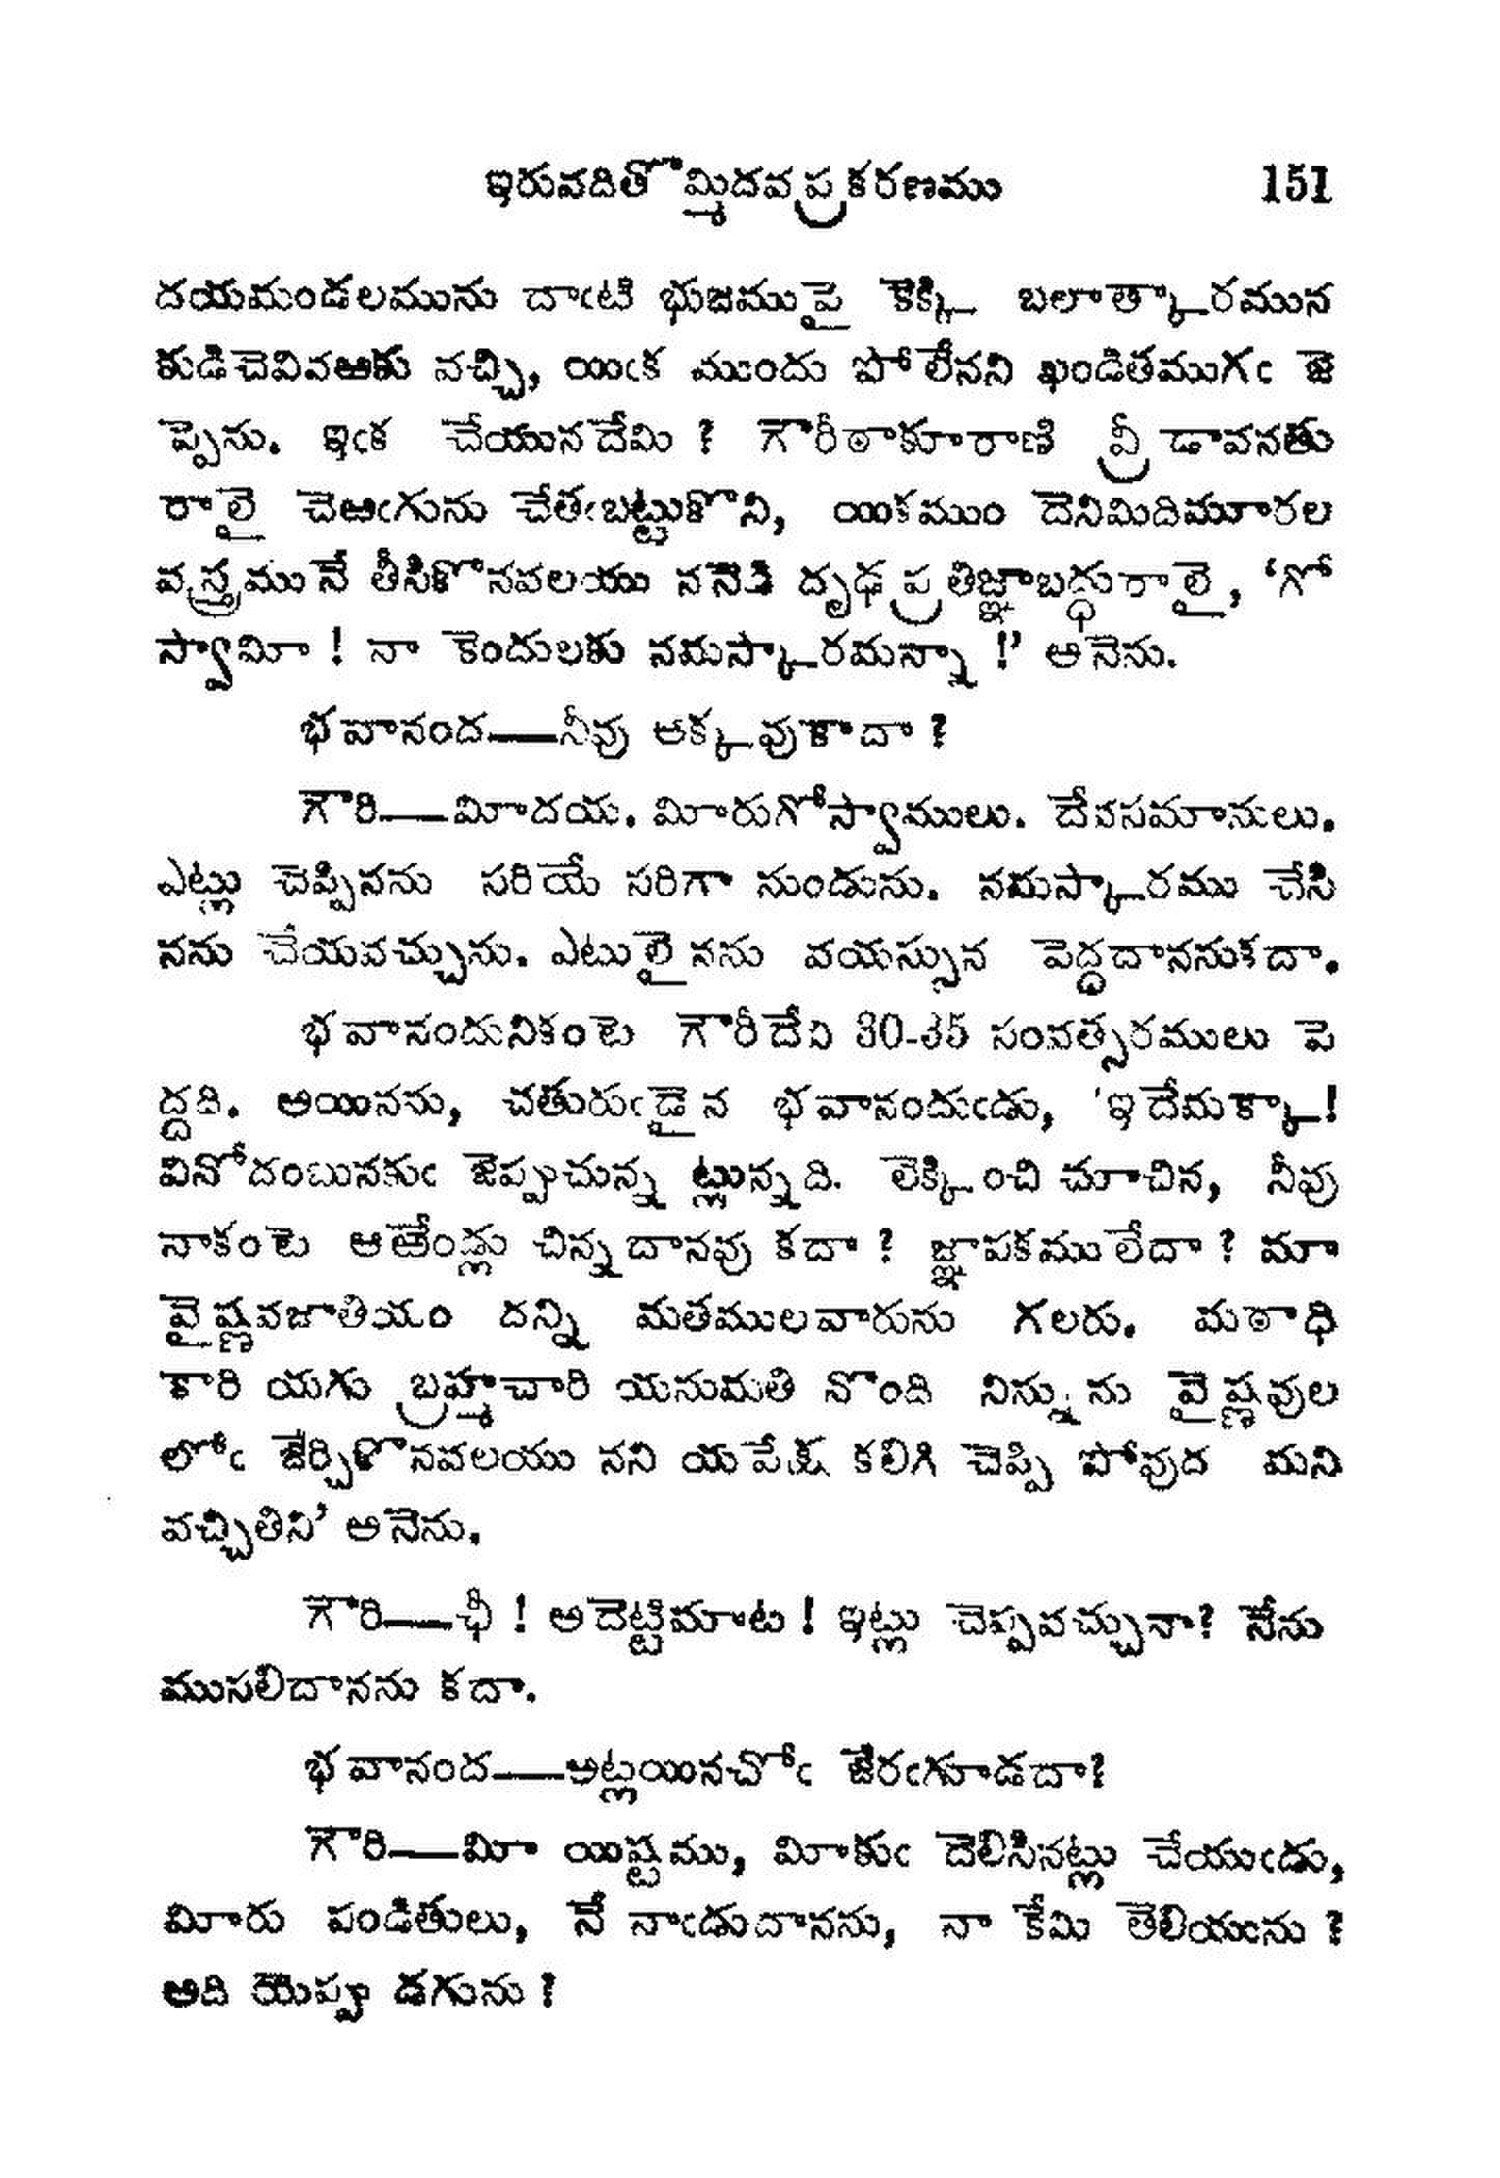దయమండలమును దాటి భుజముపై కెక్కి బలాత్కారమున కుడి చెవివఱకు వచ్చి, యిక ముందు పోలేనని ఖండితముగఁ జెప్పెను. ఇక చేయున దేమి ! గౌరీ ఠాకూరాణి వ్రీ డావనతు రాలై చెఱఁగును చేతఁ బట్టుకొని, యికముం దెనిమిది మూరల వస్త్రము నే తీసికొనవలయు ననెడి దృఢ ప్రతిజ్ఞాబద్ధురాలై , 'గోస్వామీ ! నా కెందులకు నమస్కారమన్నా !” అనెను.

భవానంద——నీవు అక్కవు కాదా ?

గౌరి——మీదయ. మీరుగోస్వాములు. దేవసమానులు. ఎట్లు చెప్పినను సరియే సరిగా నుండును. నమస్కారము చేసినను చేయవచ్చును. ఎటులైనను వయస్సున పెద్దదాననుకదా.

భవానందునికంటె గౌరీదేవి 30-35 సంవత్సరములు పెద్దది. అయినను, చతురుఁడైన భవానందుఁడు, 'ఇదేమక్కా!
వినోదంబునకుఁ జెప్పుచున్నట్లున్నది. లెక్కించి చూచిన, నీవు నాకంటే ఆ ఱేండ్లు చిన్న దానవు కదా ! జ్ఞాపకము లేదా ! మా వైష్ణవజాతియం దన్ని మతముల వారును గలరు. మఠాధికారి యగు బ్రహ్మచారి యనుమతి నొంది నిన్నును వైష్ణవుల
లోఁ జేర్చికొనవలయు నని యపేక్ష కలిగి చెప్పి 'పోవుద మని వచ్చితిని' అనెను.

గౌరి——ఛీ ! అదెట్టిమాట ! ఇట్లు చెప్పవచ్చునా? 'నేను ముసలిదానను కదా.

భవానంద—— అట్లయినచోఁ జేరఁగూడదా?

గౌరి——మీ యిష్టము, మీకుఁ దెలిసినట్లు చేయుఁడు, మీరు పండితులు, నే నాఁడుదానను, నా కేమి తెలియును ?అది యెప్పు డగును?